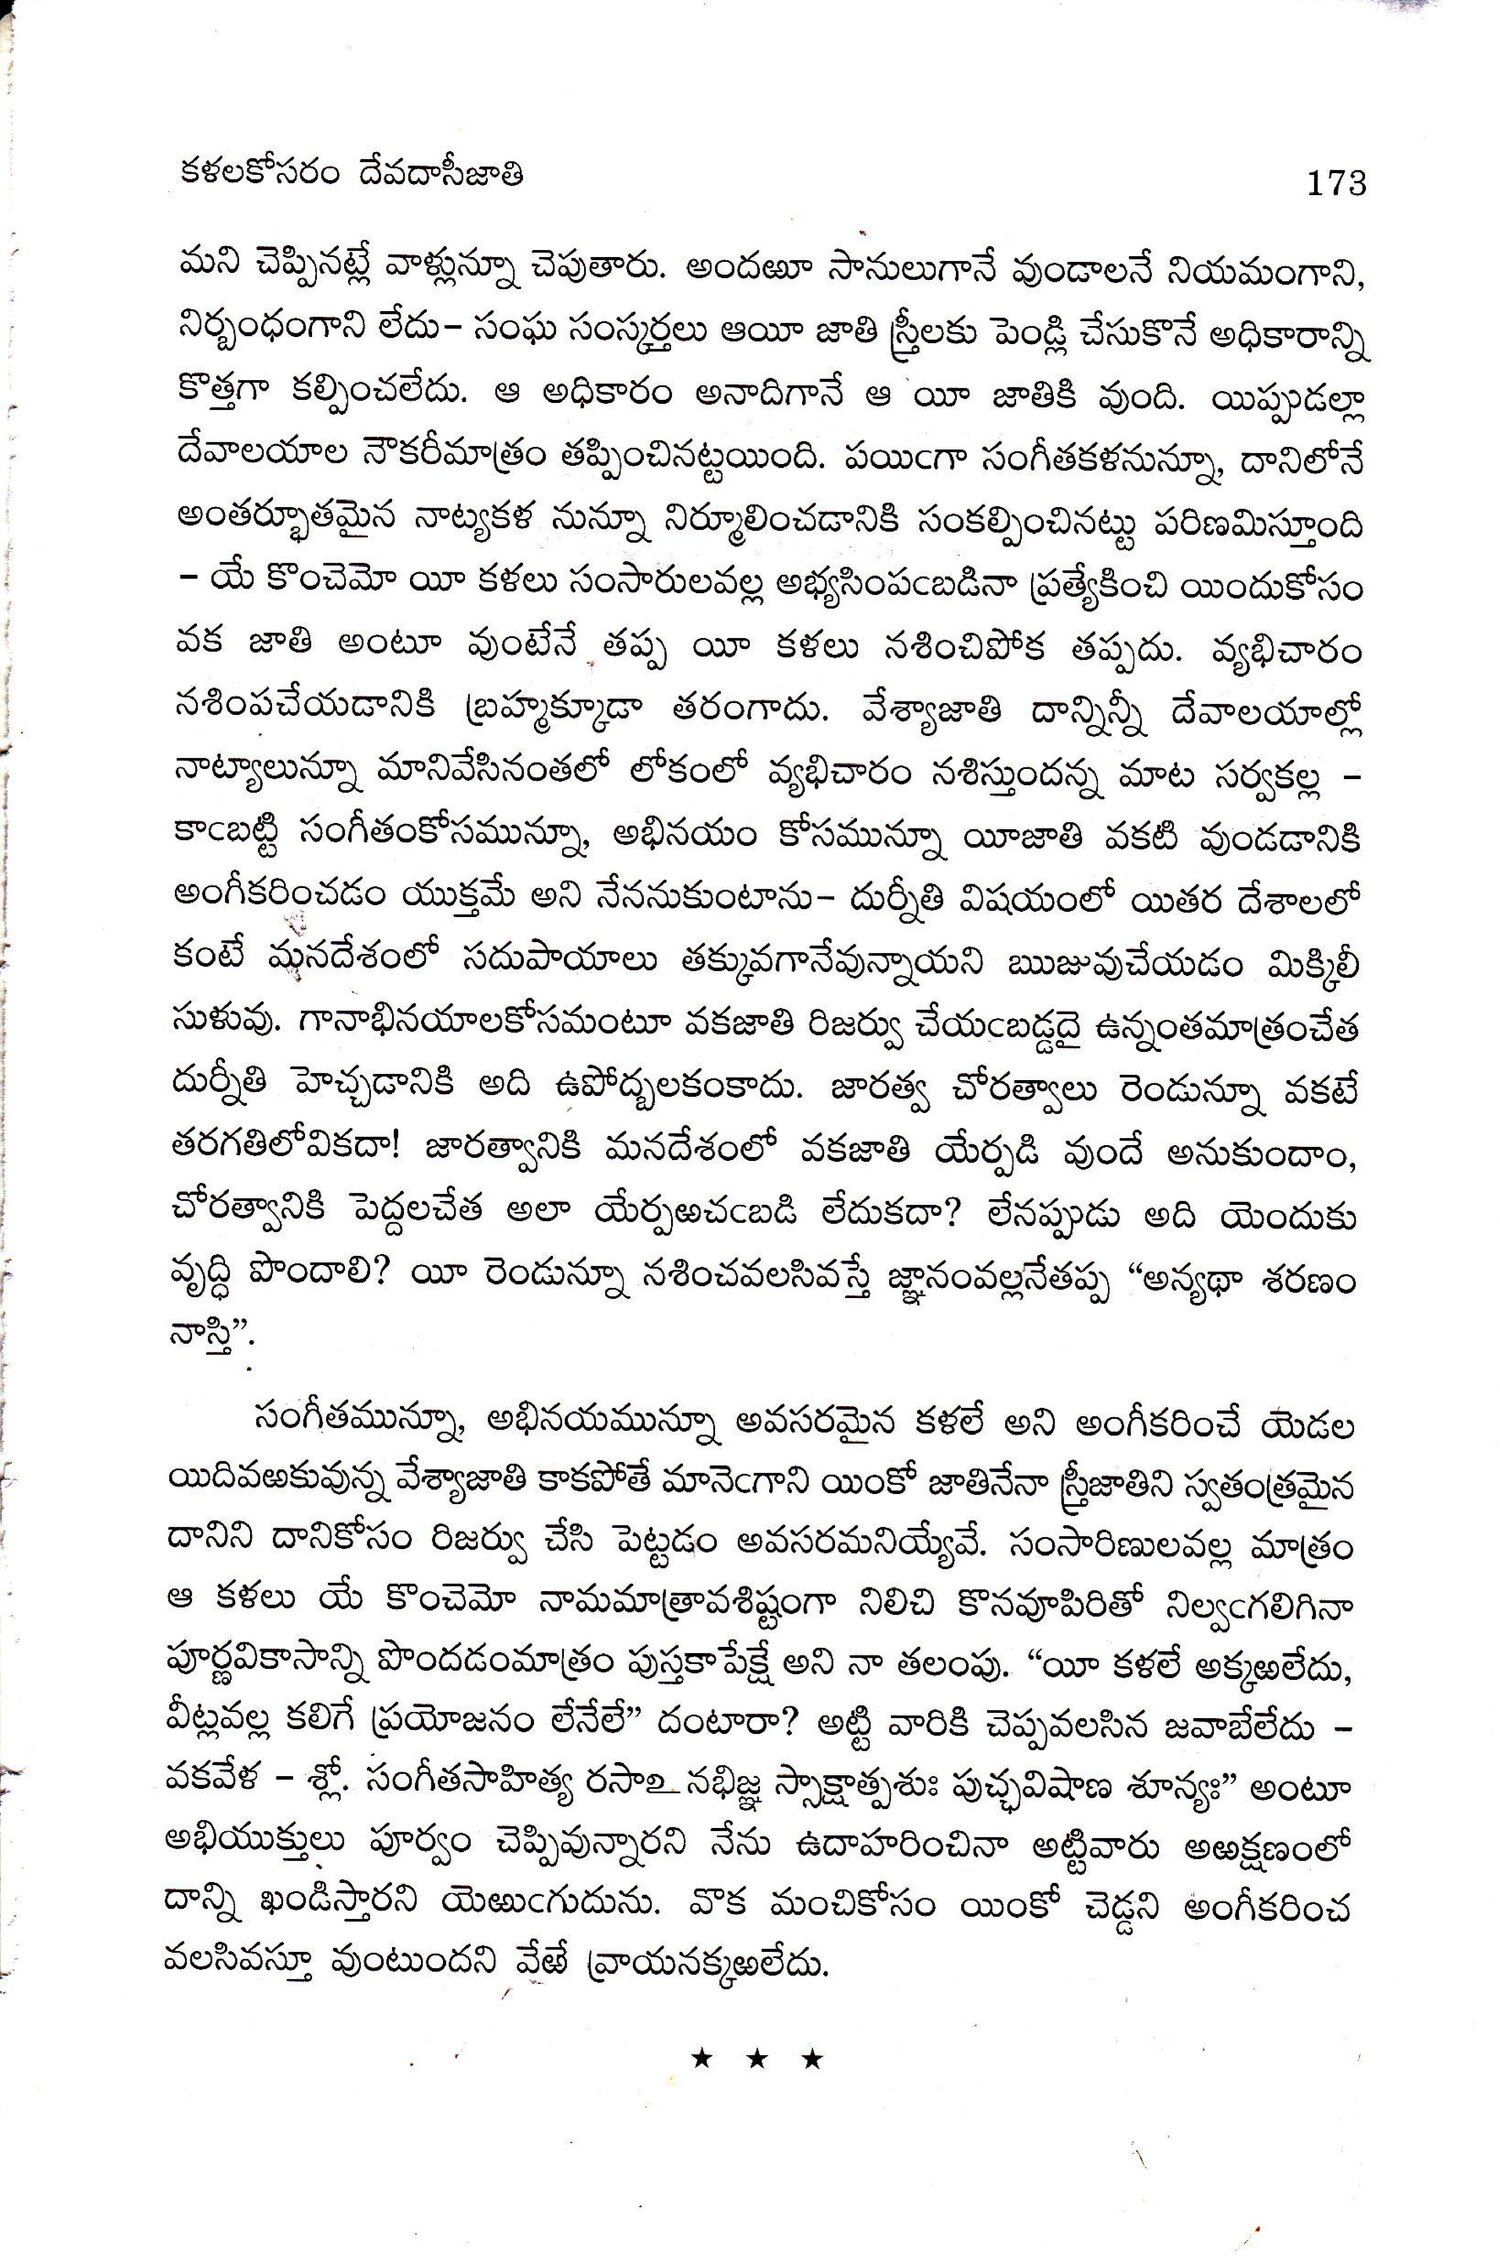మని చెప్పినట్లే వాళ్లున్నూ చెపుతారు. అందఱూ సానులుగానే వుండాలనే నియమంగాని, నిర్బంధంగాని లేదు- సంఘ సంస్కర్తలు ఆయీ జాతి స్త్రీలకు పెండ్లి చేసుకొనే అధికారాన్ని కొత్తగా కల్పించలేదు. ఆ అధికారం అనాదిగానే ఆ యీ జాతికి వుంది. యిప్పుడల్లా దేవాలయాల నౌకరీమాత్రం తప్పించినట్టయింది. పయిఁగా సంగీతకళనున్నూ దానిలోనే అంతర్భూతమైన నాట్యకళ నున్నూ నిర్మూలించడానికి సంకల్పించినట్టు పరిణమిస్తూంది - యే కొంచెమో యీ కళలు సంసారులవల్ల అభ్యసింపఁబడినా ప్రత్యేకించి యిందుకోసం వక జాతి అంటూ వుంటేనే తప్ప యీ కళలు నశించిపోక తప్పదు. వ్యభిచారం నశింపచేయడానికి బ్రహ్మక్కూడా తరంగాదు. వేశ్యాజాతి దాన్నిన్నీ దేవాలయాల్లో నాట్యాలున్నూ మానివేసినంతలో లోకంలో వ్యభిచారం నశిస్తుందన్న మాట సర్వకల్ల - కాఁబట్టి సంగీతంకోసమున్నూ అభినయం కోసమున్నూ యీజాతి వకటి వుండడానికి అంగీకరించడం యుక్తమే అని నేననుకుంటాను- దుర్నీతి విషయంలో యితర దేశాలలో కంటే మనదేశంలో సదుపాయాలు తక్కువగానేవున్నాయని ఋజువుచేయడం మిక్కిలీ సుళువు. గానాభినయాలకోసమంటూ వకజాతి రిజర్వు చేయఁబడ్డదై ఉన్నంతమాత్రంచేత దుర్నీతి హెచ్చడానికి అది ఉపోద్బలకంకాదు. జారత్వ చోరత్వాలు రెండున్నూ వకటే తరగతిలోవికదా! జారత్వానికి మనదేశంలో వకజాతి యేర్పడి వుందే అనుకుందాం, చోరత్వానికి పెద్దలచేత అలా యేర్పఱచఁబడి లేదుకదా? లేనప్పడు అది యెందుకు వృద్ది పొందాలి? యీ రెండున్నూ నశించవలసివస్తే జ్ఞానంవల్లనేతప్ప “అన్యథా శరణం నాస్తి".

సంగీతమున్నూ అభినయమున్నూ అవసరమైన కళలే అని అంగీకరించే యెడల యిదివఱకువున్నవేశ్యాజాతి కాకపోతే మానెఁగాని యింకో జాతినేనా స్త్రీజాతిని స్వతంత్రమైన దానిని దానికోసం రిజర్వు చేసి పెట్టడం అవసరమనియ్యేవే. సంసారిణులవల్ల మాత్రం ఆ కళలు యే కొంచెమో నామమాత్రావశిష్టంగా నిలిచి కొనవూపిరితో నిల్వఁగలిగినా పూర్ణవికాసాన్ని పొందడంమాత్రం పుస్తకాపేక్షే అని నా తలంపు. “యీ కళలే అక్కఱలేదు, వీట్లవల్ల కలిగే ప్రయోజనం లేనేలే దంటారా? అట్టి వారికి చెప్పవలసిన జవాబేలేదు - వకవేళ - శ్లో, సంగీతసాహిత్య రసా౽నభిజ్ఞ స్సాక్షాత్పశుః పుచ్చవిషాణ శూన్య" అంటూ అభియుక్తులు పూర్వం చెప్పివున్నారని నేను ఉదాహరించినా అట్టివారు అఅక్షణంలో దాన్ని ఖండిస్తారని యెఱుఁగుదును. వొక మంచికోసం యింకో చెడ్డని అంగీకరించ వలసివస్తూ వుంటుందని వేఱే వ్రాయనక్కఱలేదు.